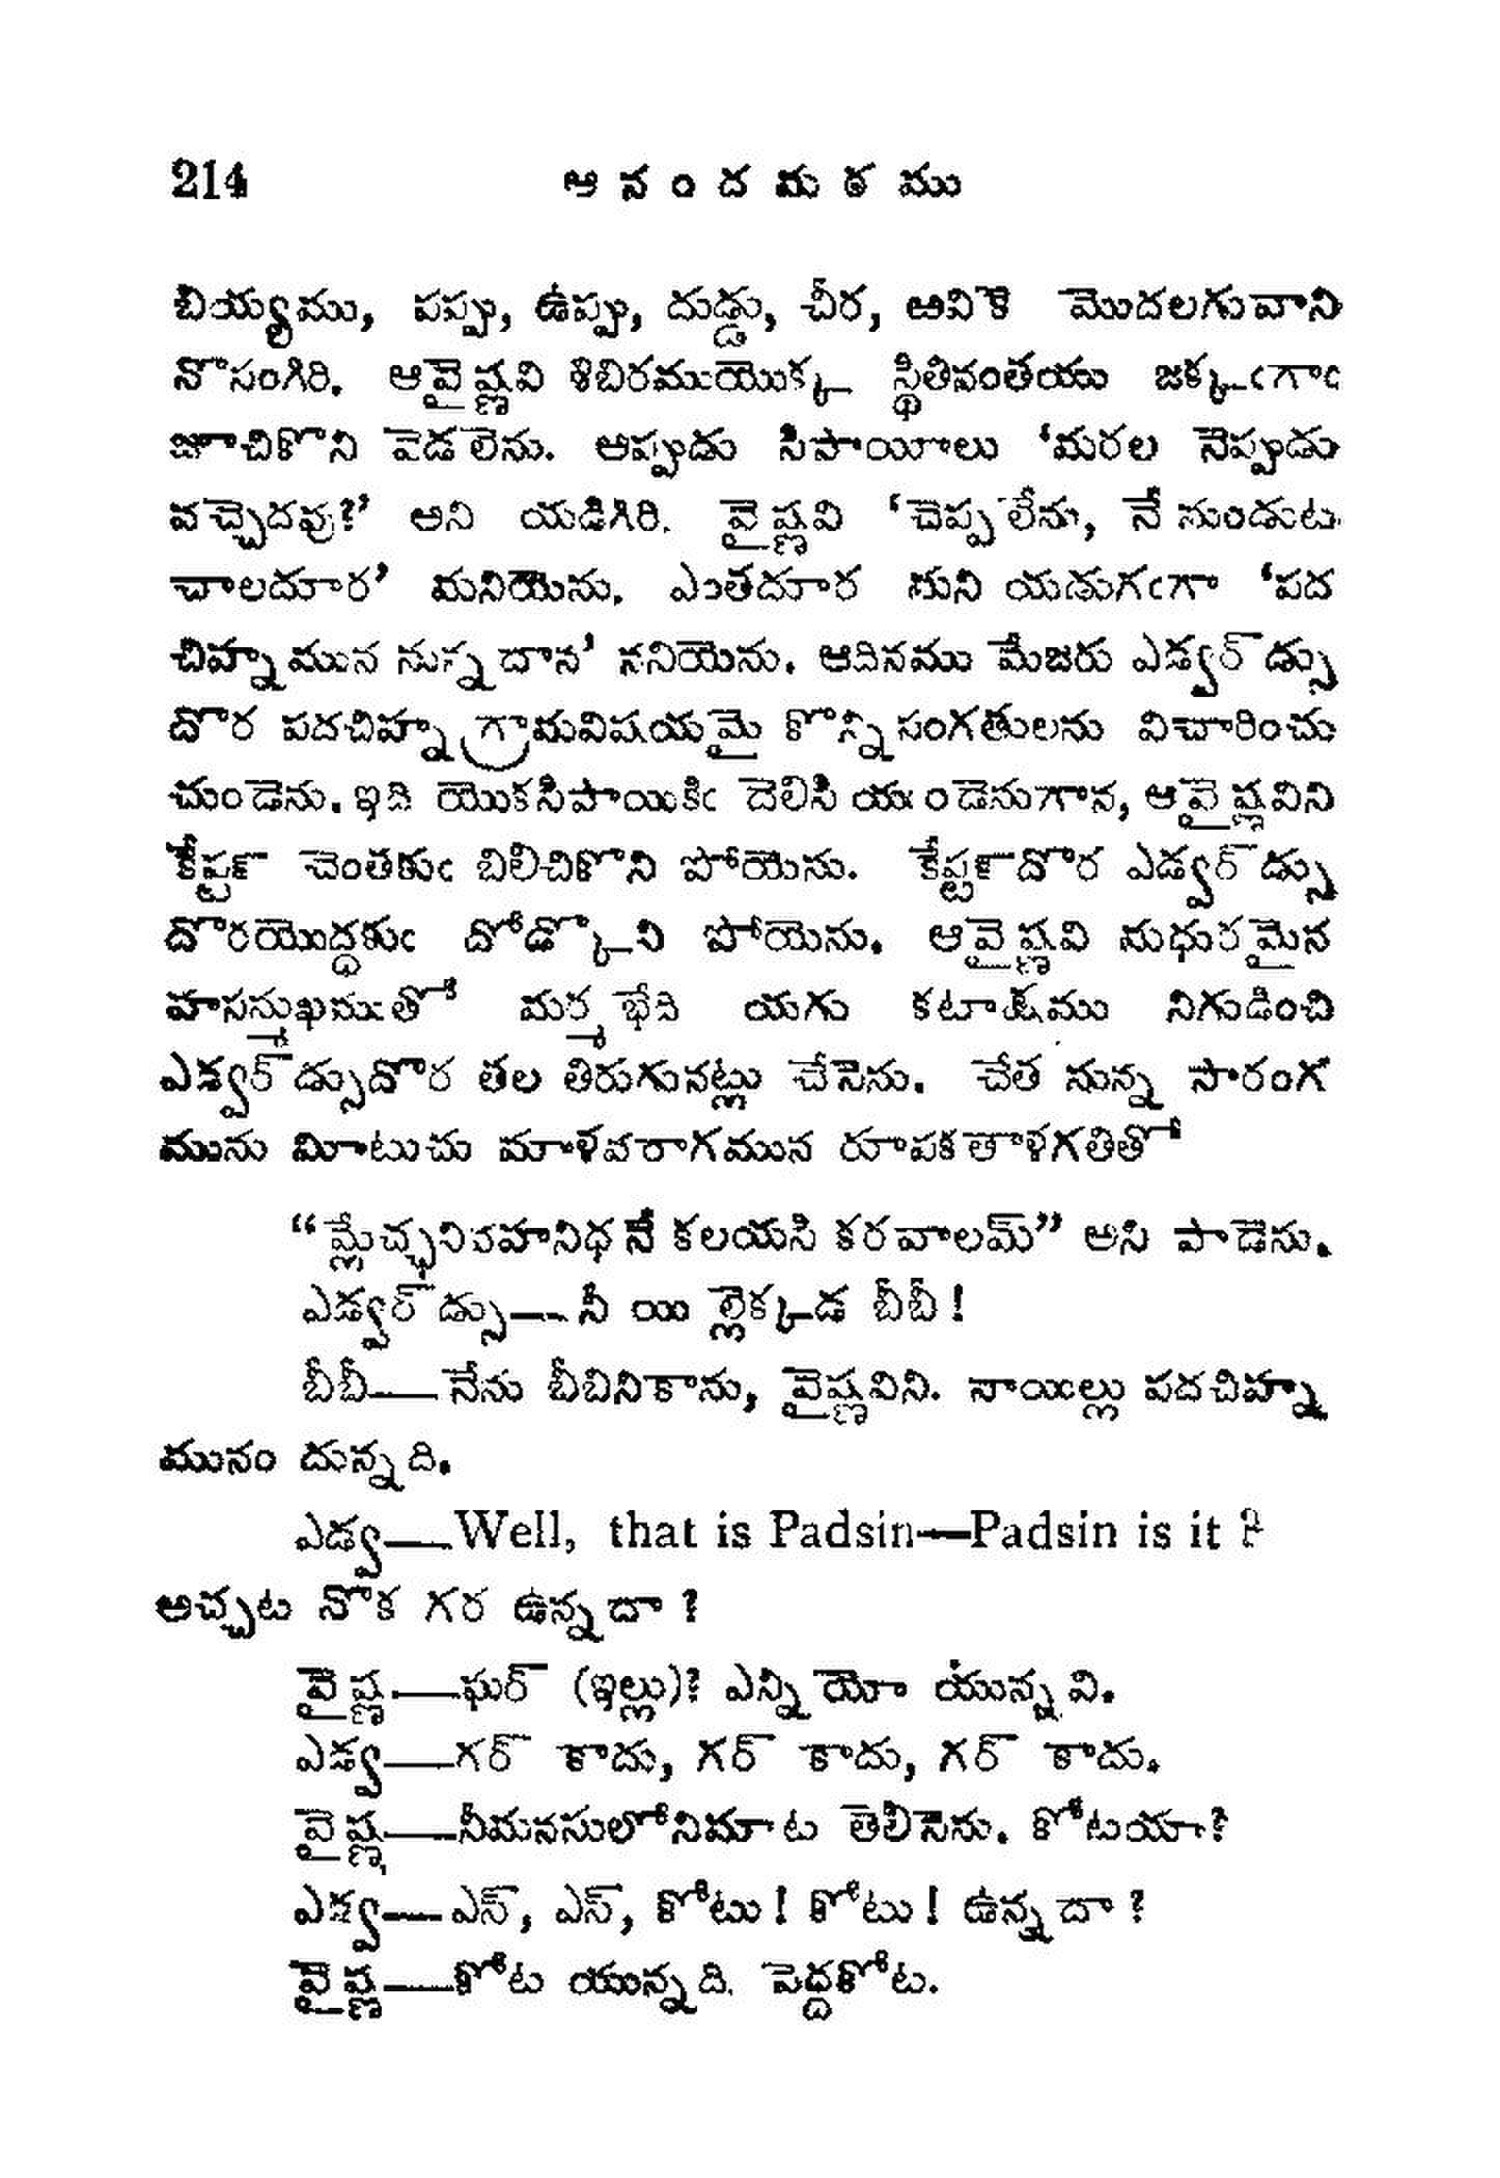బియ్యము, పప్పు, ఉప్పు, దుడ్డు, చీర, ఱవికె మొదలగువాని నొసంగిరి. ఆవైష్ణవి శిబిరము యొక్క స్థితినంతయు జక్కఁగాఁ జూచికొని వెడలెను. అప్పుడు సిపాయీలు 'మరల నెప్పుడు వచ్చెదవు?' అని యడిగిరి. వైష్ణవి 'చెప్పలేను, నేనుండుట.చాలదూర' మనియెను, ఎంతదూర మని యడుగఁగా 'పదచిహ్నమున నున్న దాన' ననియెను. ఆదినము మేజరు ఎడ్వర్ డ్సు దొర పదచిహ్న గ్రామవిషయమై కొన్ని సంగతులను విచారించుచుండెను. ఇది యొక సిపాయికిఁ దెలిసి యుండెనుగాన, ఆవైష్ణవిని కేష్ట౯ చెంతకుఁ బిలిచికొని పోయెను. కేష్ట౯ దొర ఎడ్వర్ డ్సు దొరయొద్దకుఁ దోడ్కొని పోయెను. ఆవైష్ణవి మధురమైన హసన్ముఖముతో మర్మ భేది యగు కటాక్షము నిగుడించి ఎడ్వర్ డ్సుదొర తల తిరుగునట్లు చేసెను. చేత నున్న సారంగమును మీటుచు మాళవరాగమున రూపక తాళగతితో

" మ్లేచ్ఛనివహ నిధనే కలయసి కరవాలమ్” అని పాడెను.

ఎడ్వర్ డ్సు—— నీ యిల్లెక్కడ బీబీ !

బీబీ——నేను బీబినికాను, వైష్ణవిని. నాయిల్లు పదచిహ్న మునం దున్నది.

ఎడ్వ—— Well, that is Padsin——Padsin is it ? అచ్చట నొక గర ఉన్నదా?

వైష్ణ——ఘర్ (ఇల్లు)? ఎన్నియో యున్నవి.

ఎడ్వ——గర్ కాదు, గర్ కాదు, గర్ కాదు.

వైష్ణ—— నీమనసులోనిమాట తెలిసెను. కోటయా?

ఎడ్వ—— ఎస్, ఎస్, కోటు ! కోటు ! ఉన్నదా ?

వైష్ణ——కోట యున్నది. పెద్దకోట.